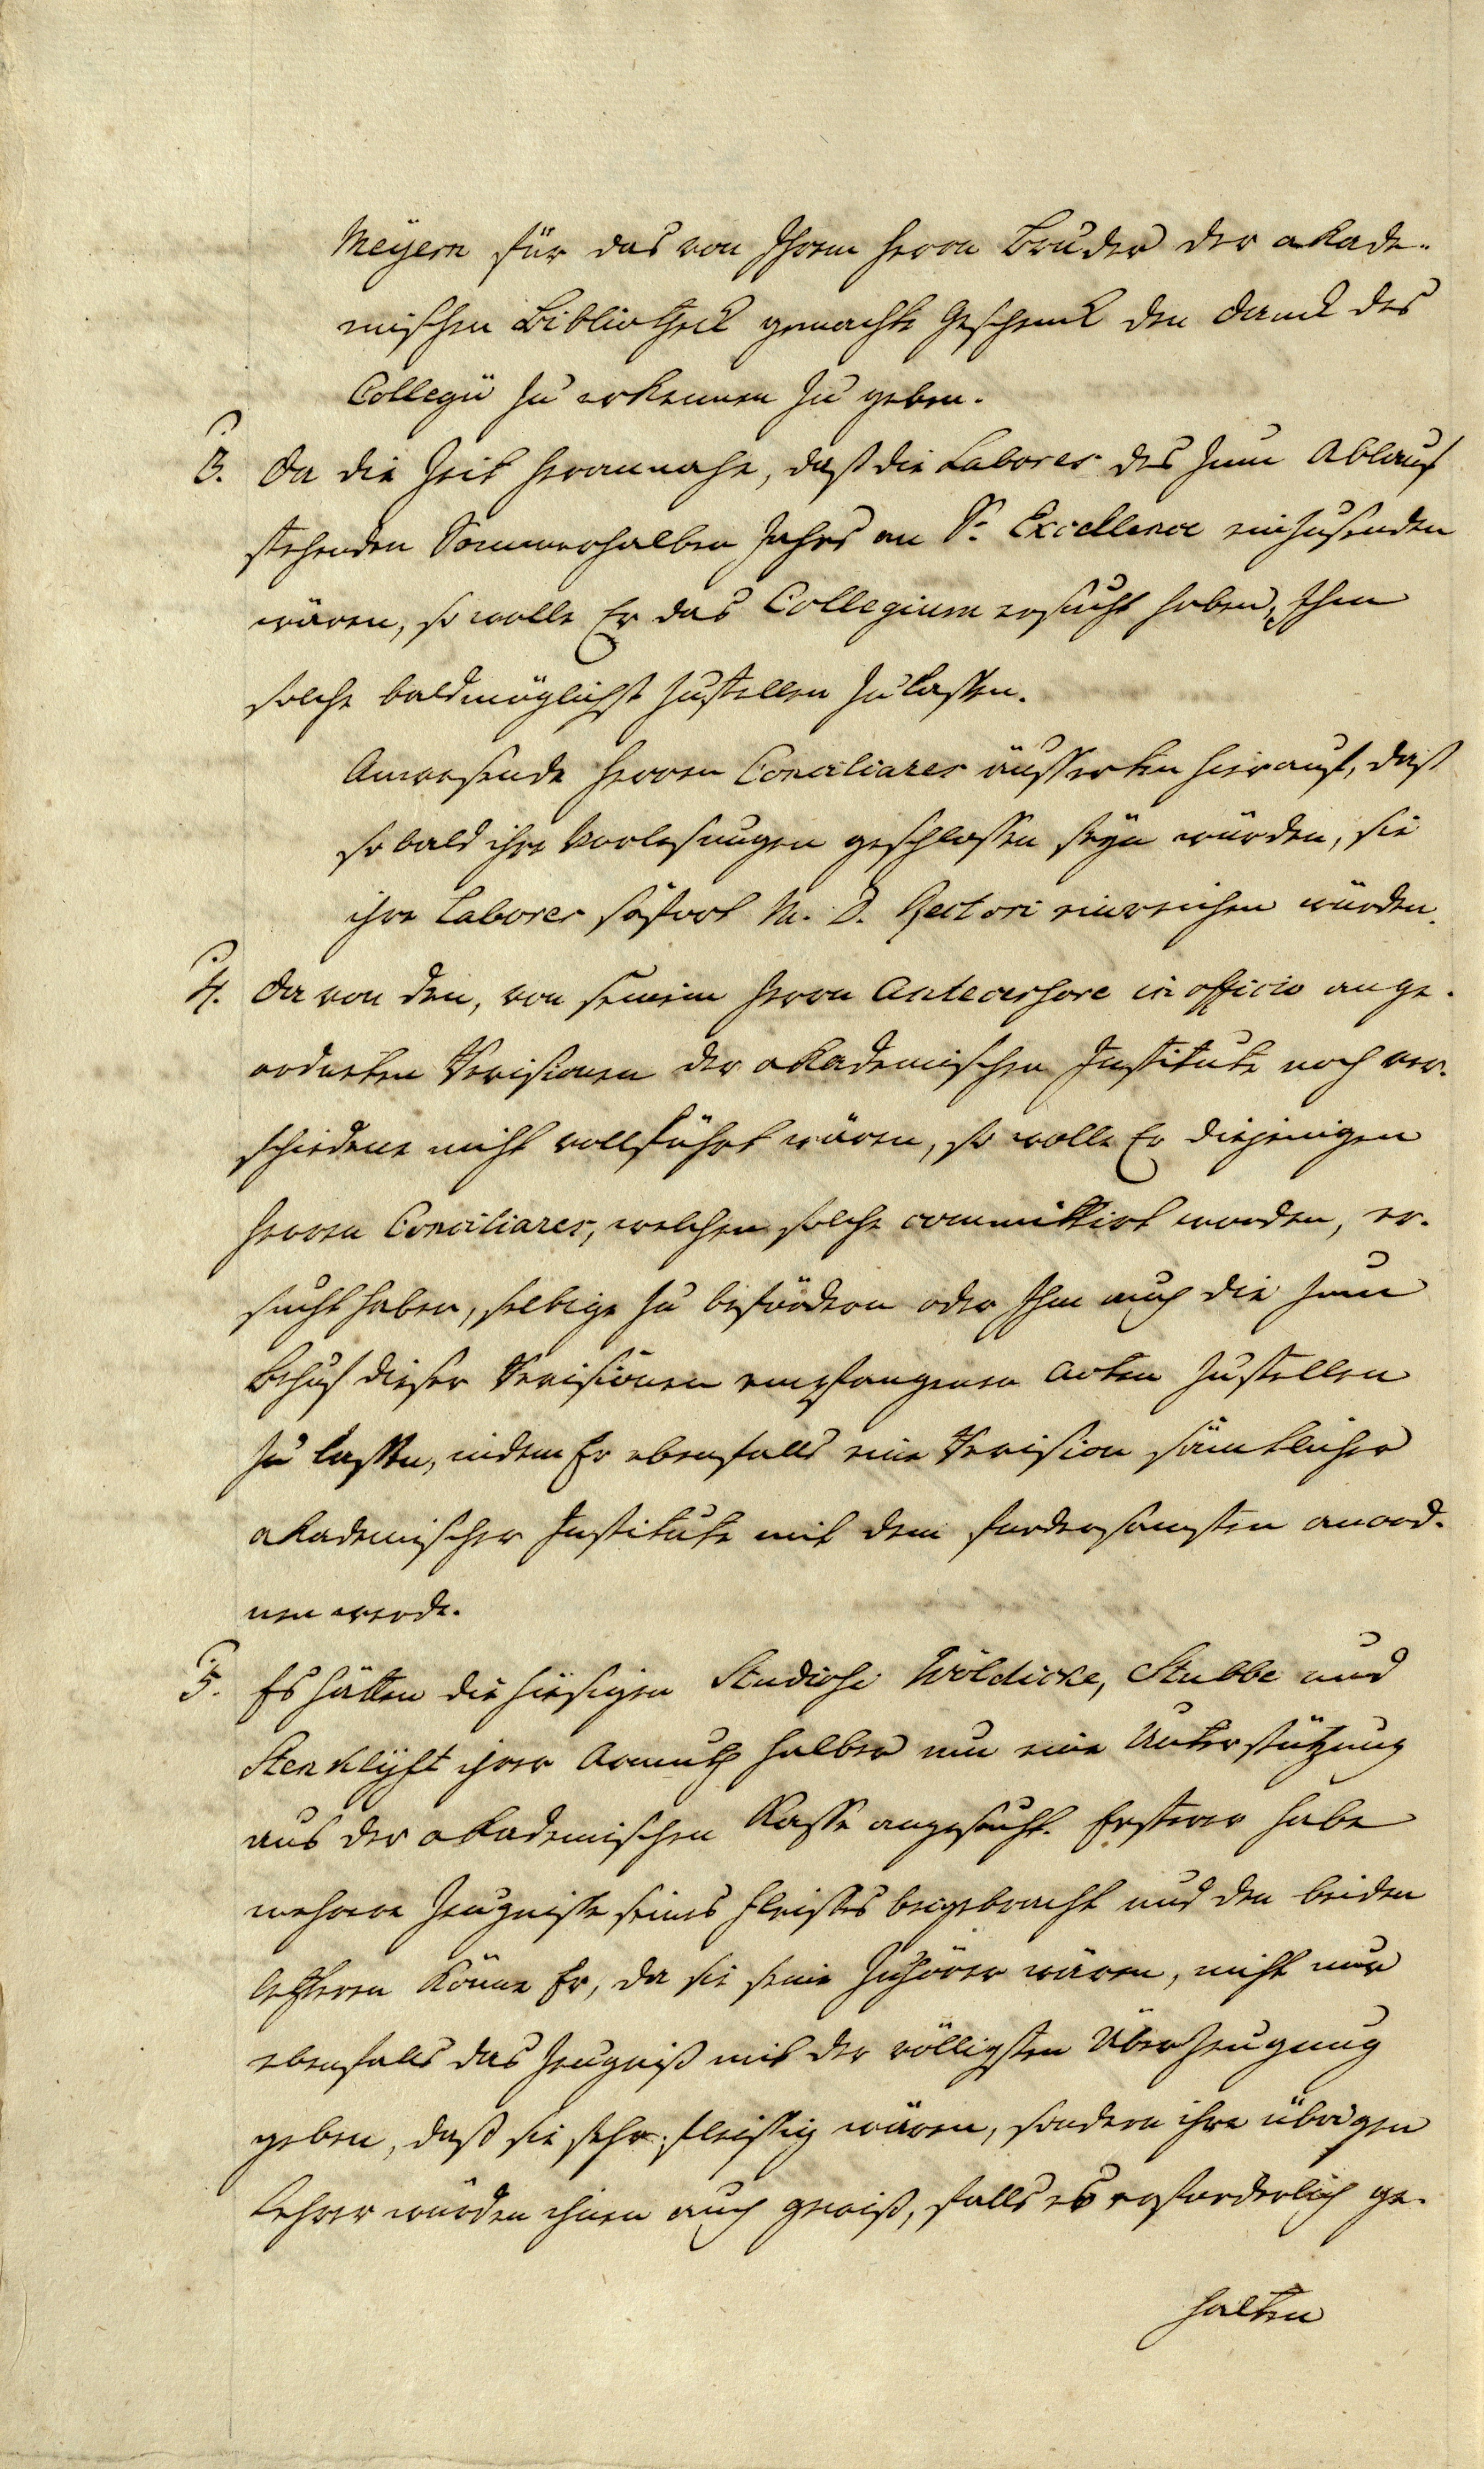Meÿern für das von Ihrem Herrn Bruder der akade¬
mischen Bibliotheck gemachte Geschenck den Danck des
Collegii zu erkennen zu geben.
3. Da die Zeit herannahe, daß die Labores des zum Ablauf
stehenden Sommerhalben Jahrs an Sr. Excellence einzusenden
wären, so wolle Er das Collegium ersucht haben, Ihm
solche baldmöglichst zustellen zulassen.
Anwesende Herren Conciliares äusserten hierauf, daß
so bald ihre Vorlesungen geschlossen seÿn würden, sie
ihre Labores sofort M. D. Rectori einreichen würden.
4. Da von den, von seinem Herrn Antecessore in officio ange¬
ordneten Revisionen der akademischen Institute noch ver¬
schiedene nicht vollführet wären, so wolle Er diejenigen
Herren Conciliares, welchen solche committirt worden, er¬
sucht haben, selbige zu befördern oder Ihm auch die zum
Behuf dieser Revisionen empfangenen Acten zustellen
zu lassen, indem Er ebenfalls eine Revision sämtlicher
akademischer Institute mit dem fordersamsten anord¬
nen werde.
5. Es hätten die hiesigen Studiosi Wöldicke, Stubbe und
Stenklÿft ihrer Armuth halber um eine Unterstützung
aus der akademischen Kasse angesucht. Ersterer habe
mehrere Zeugnisse seines Fleisses beigebracht und den beiden
letzteren könne Er, da sie seine Zuhörer wären, nicht nur
ebenfalls das Zeugniß mit der völligsten Überzeugung
geben, daß sie sehr fleissig wären, sondern ihre übrigen
Lehrer würden ihnen auch gewiß, falls es erforderlich ge¬
halten